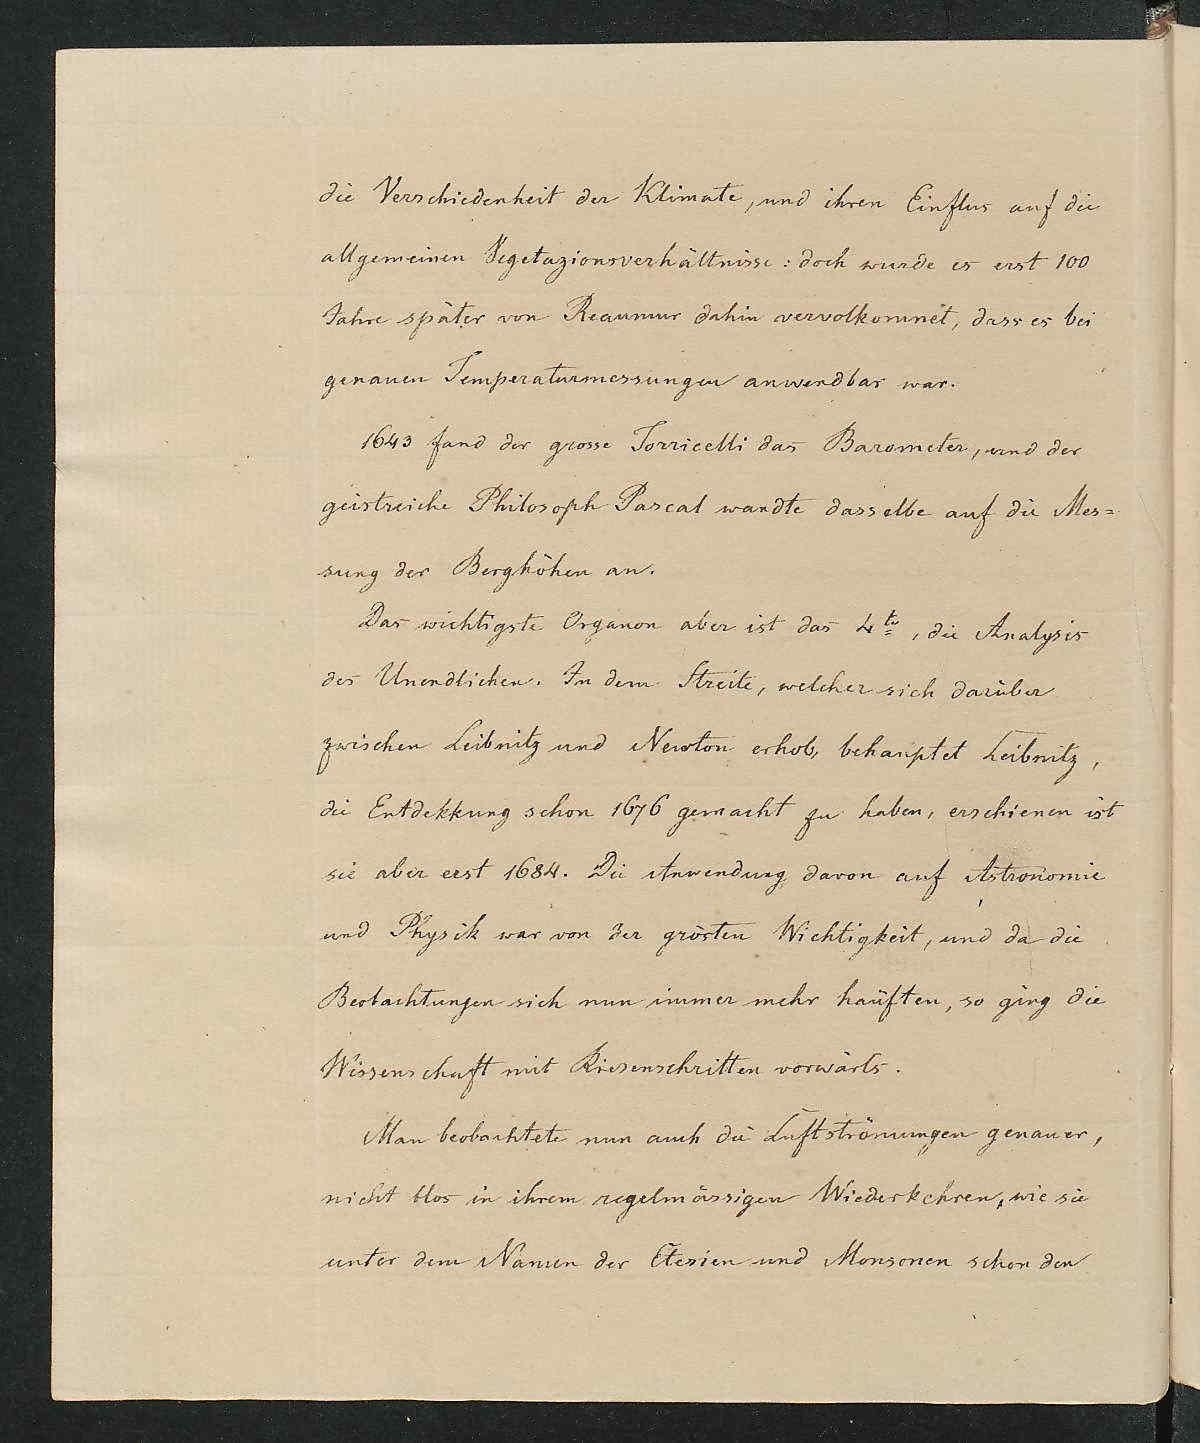die Verschiedenheit der Klimate, und ihren Einflus auf die
allgemeinen Vegetazionsverhältnisse: doch wurde es erst 100
Jahre später von Reaumur dahin vervolkomnet, dass es bei
genauen Temperaturmessungen anwendbar war.
1643 fand der grosse Torricelli das Barometer, und der
geistreiche Philosoph Pascal wandte dasselbe auf die Mes-
sung der Berghöhen an.
Das wichtigste Organon aber ist das 4te, die Analysis
des Unendlichen. In dem Streite, welcher sich darüber
zwischen Leibnitz und Newton erhob, behauptet Leibnitz,
die Entdekkung schon 1676 gemacht zu haben, erschienen ist
sie aber erst 1684. Die Anwendung davon auf Astronomie
und Physik war von der grösten Wichtigkeit, und da die
Beobachtungen sich nun immer mehr häuften, so ging die
Wissenschaft mit Riesenschritten vorwärts.
Man beobachtete nun auch die Luftströmungen genauer,
nicht blos in ihrem regelmässigen Wiederkehren, wie sie
unter dem Namen der Etesien und Monsonen schon den